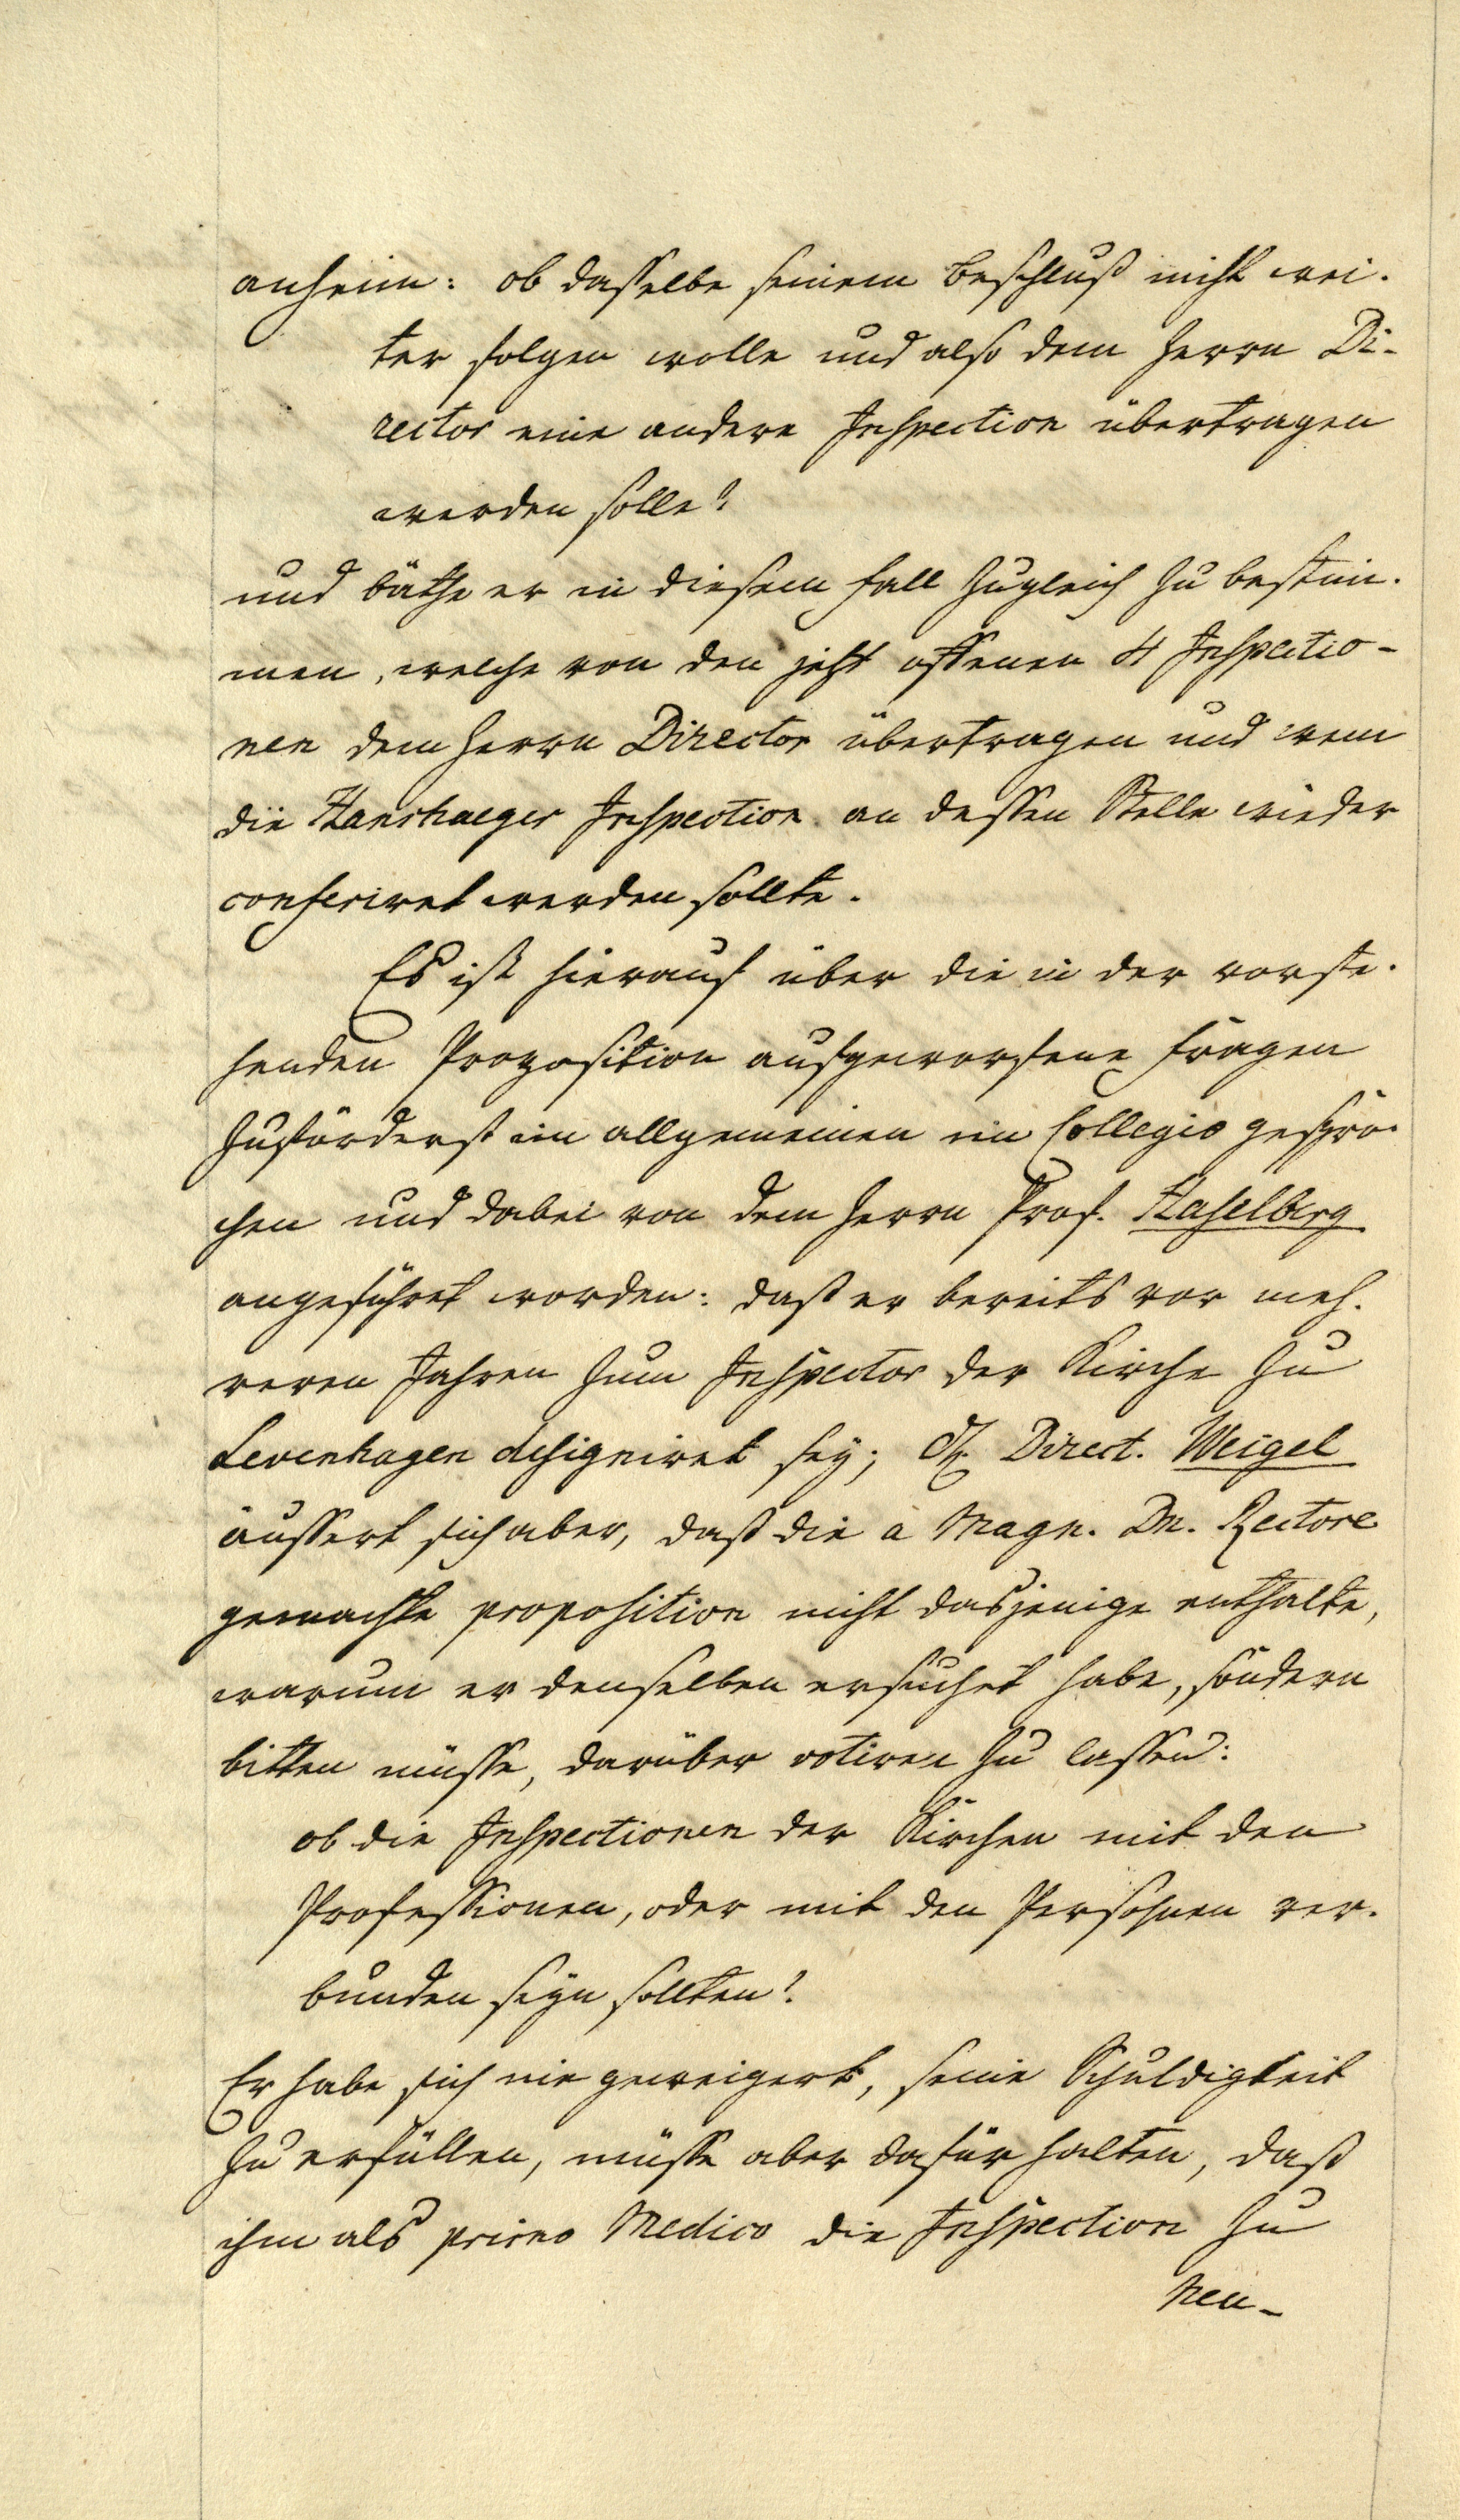anheim: ob dasselbe seinem Beschluß nicht wei-
ter folgen wolle und also dem herrn Di-
rector eine andere Inspection übertragen
werden solle?
und bäthe er in diesem Fall zugleich zu bestim-
men, welche von den jetzt offenen 4 Inspectio-
nen dem herrn Director übertragen und wem
die Hanshaeger Inspection an dessen Stelle wieder
conferiret werden sollte.
Es ist hierauf über die in der vorste-
henden proposition aufgeworfene Fragen
zuförderst im allgemeinen im Collegio gespro-
chen und dabei von dem herrn Prof. Haselberg
ausgeführet worden: daß er bereits vor meh-
reren Jahren zum Inspector der Kriche zu
Levenhagen designiret sey; dh. Direct. Weigel
äussert sich aber, daß die a Magn. Dn. Rectore
gemachte proposition nicht dasjenige enthalte,
warum er denselben ersuchet habe, sondern
bitten müsse, darüber votiren zu lassen:
Ob die Inspectionen der Kirchen mit den
Professionen, oder mit den Persohnen ver-
bunden seyn sollten?
Er habe sich nie geweigert, seine Schuldigkeit
zu erfüllen, müsse aber dafür halten, daß
ihm als primo Medico die Inspection zu
Neu-